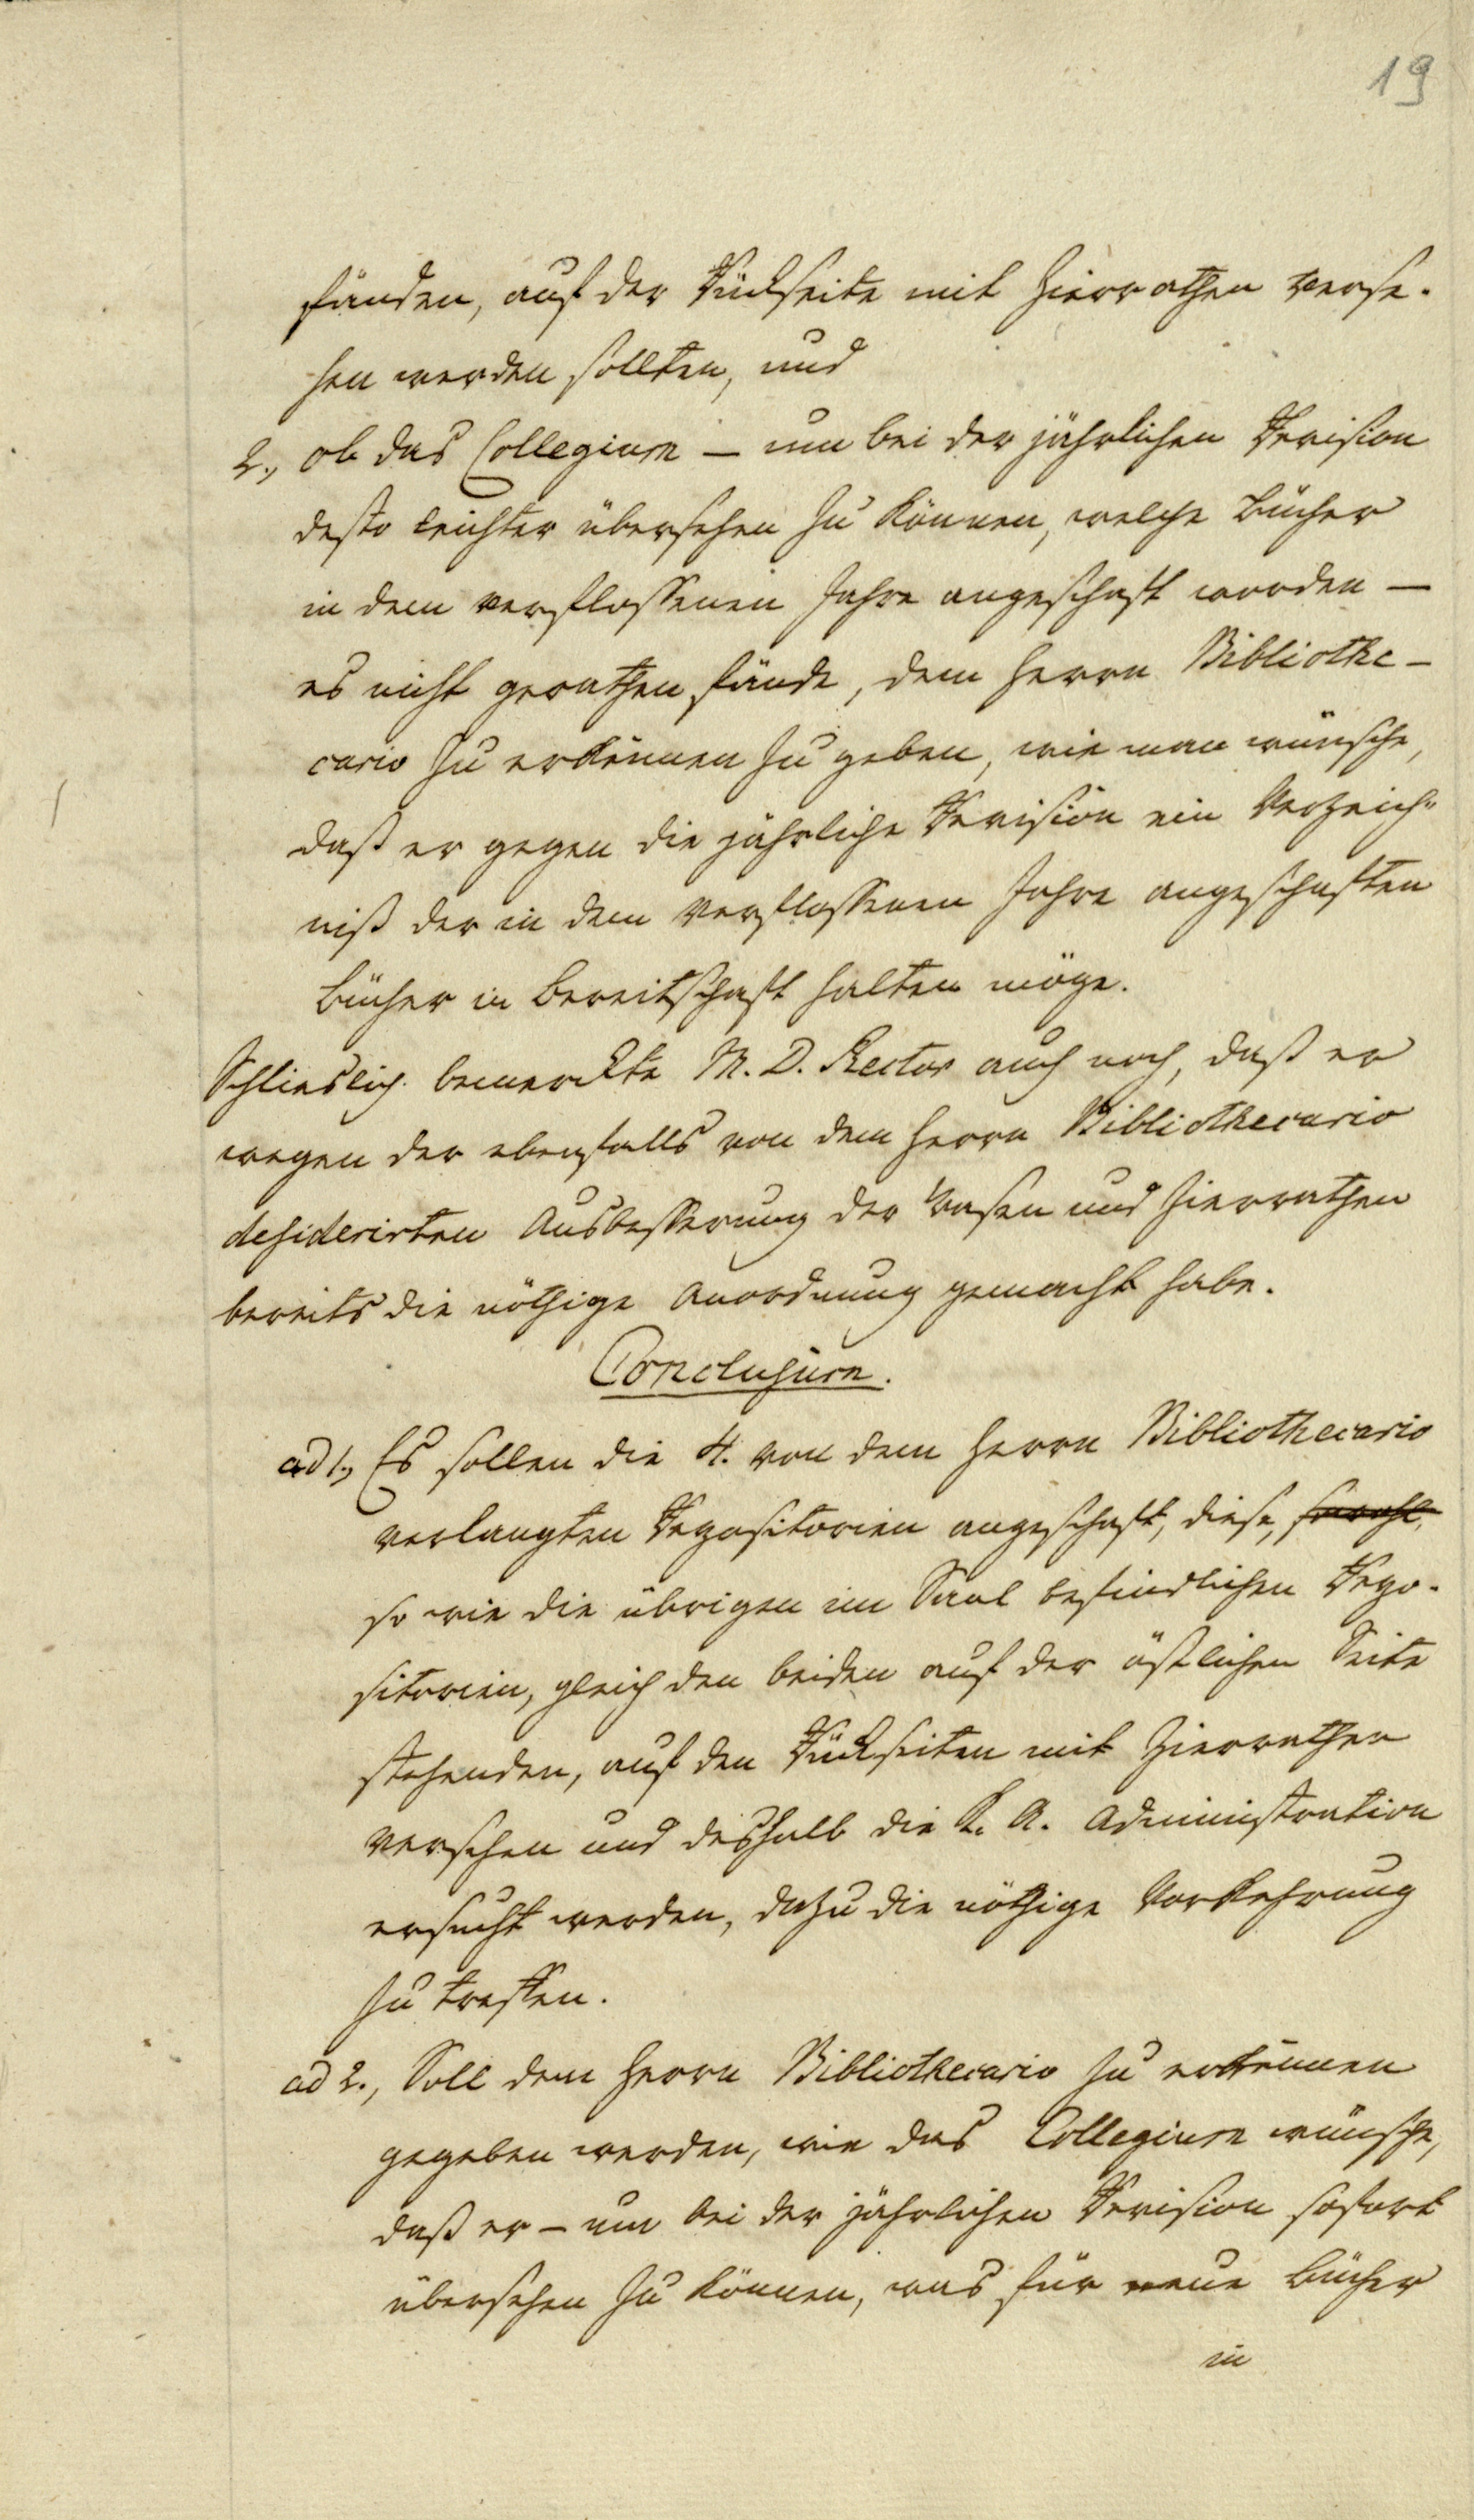fänden, auf der Rückseite mit Zierrathen verse¬
hen werden sollten, und
2., ob das Collegium um bei der jährlichen Revision
desto leichter übersehen zu können, welche Bücher
in dem verflossenen Jahre angeschaft worden
es nicht gerathen fände, dem herrn Bibliothe¬
cario zu erkennen zu geben, wie man wünsche,
daß er gegen die jährliche Revision ein Verzeich¬
niß der in dem verflossenen jahre angeschaften
Bücher in Bereitschaft halten möge.
Schließlich bemerckte M. D. Rector auch noch, daß er
wegen der ebenfalls von dem herrn Bibliothecario
desiderirten Ausbesserung der Vasen und Zierrathen
bereits die nöthige Anordnung gemacht habe.
Conclusum
ad 1., Es sollen die 4. von dem herrn Bibliothecario
verlangten Repositorien angeschaft, diese sowohl
so wie die übrigen im Saal befindlichen Repo¬
sitorien, gleich den beiden auf der östlichen Seite
stehenden, auf den Rückseiten mit Zierrathen
versehen und deshalb die K. A. Administration
ersucht werden, dazu die nöthige Vorkehrung
zu treffen.
ad 2., Soll dem herrn Bibliothecario zu erkennen
gegeben werden, wie das Collegium wünsche,
daß er um bei der jährlichen Revision sofort
übersehen zu können, was für neue Bücher
in